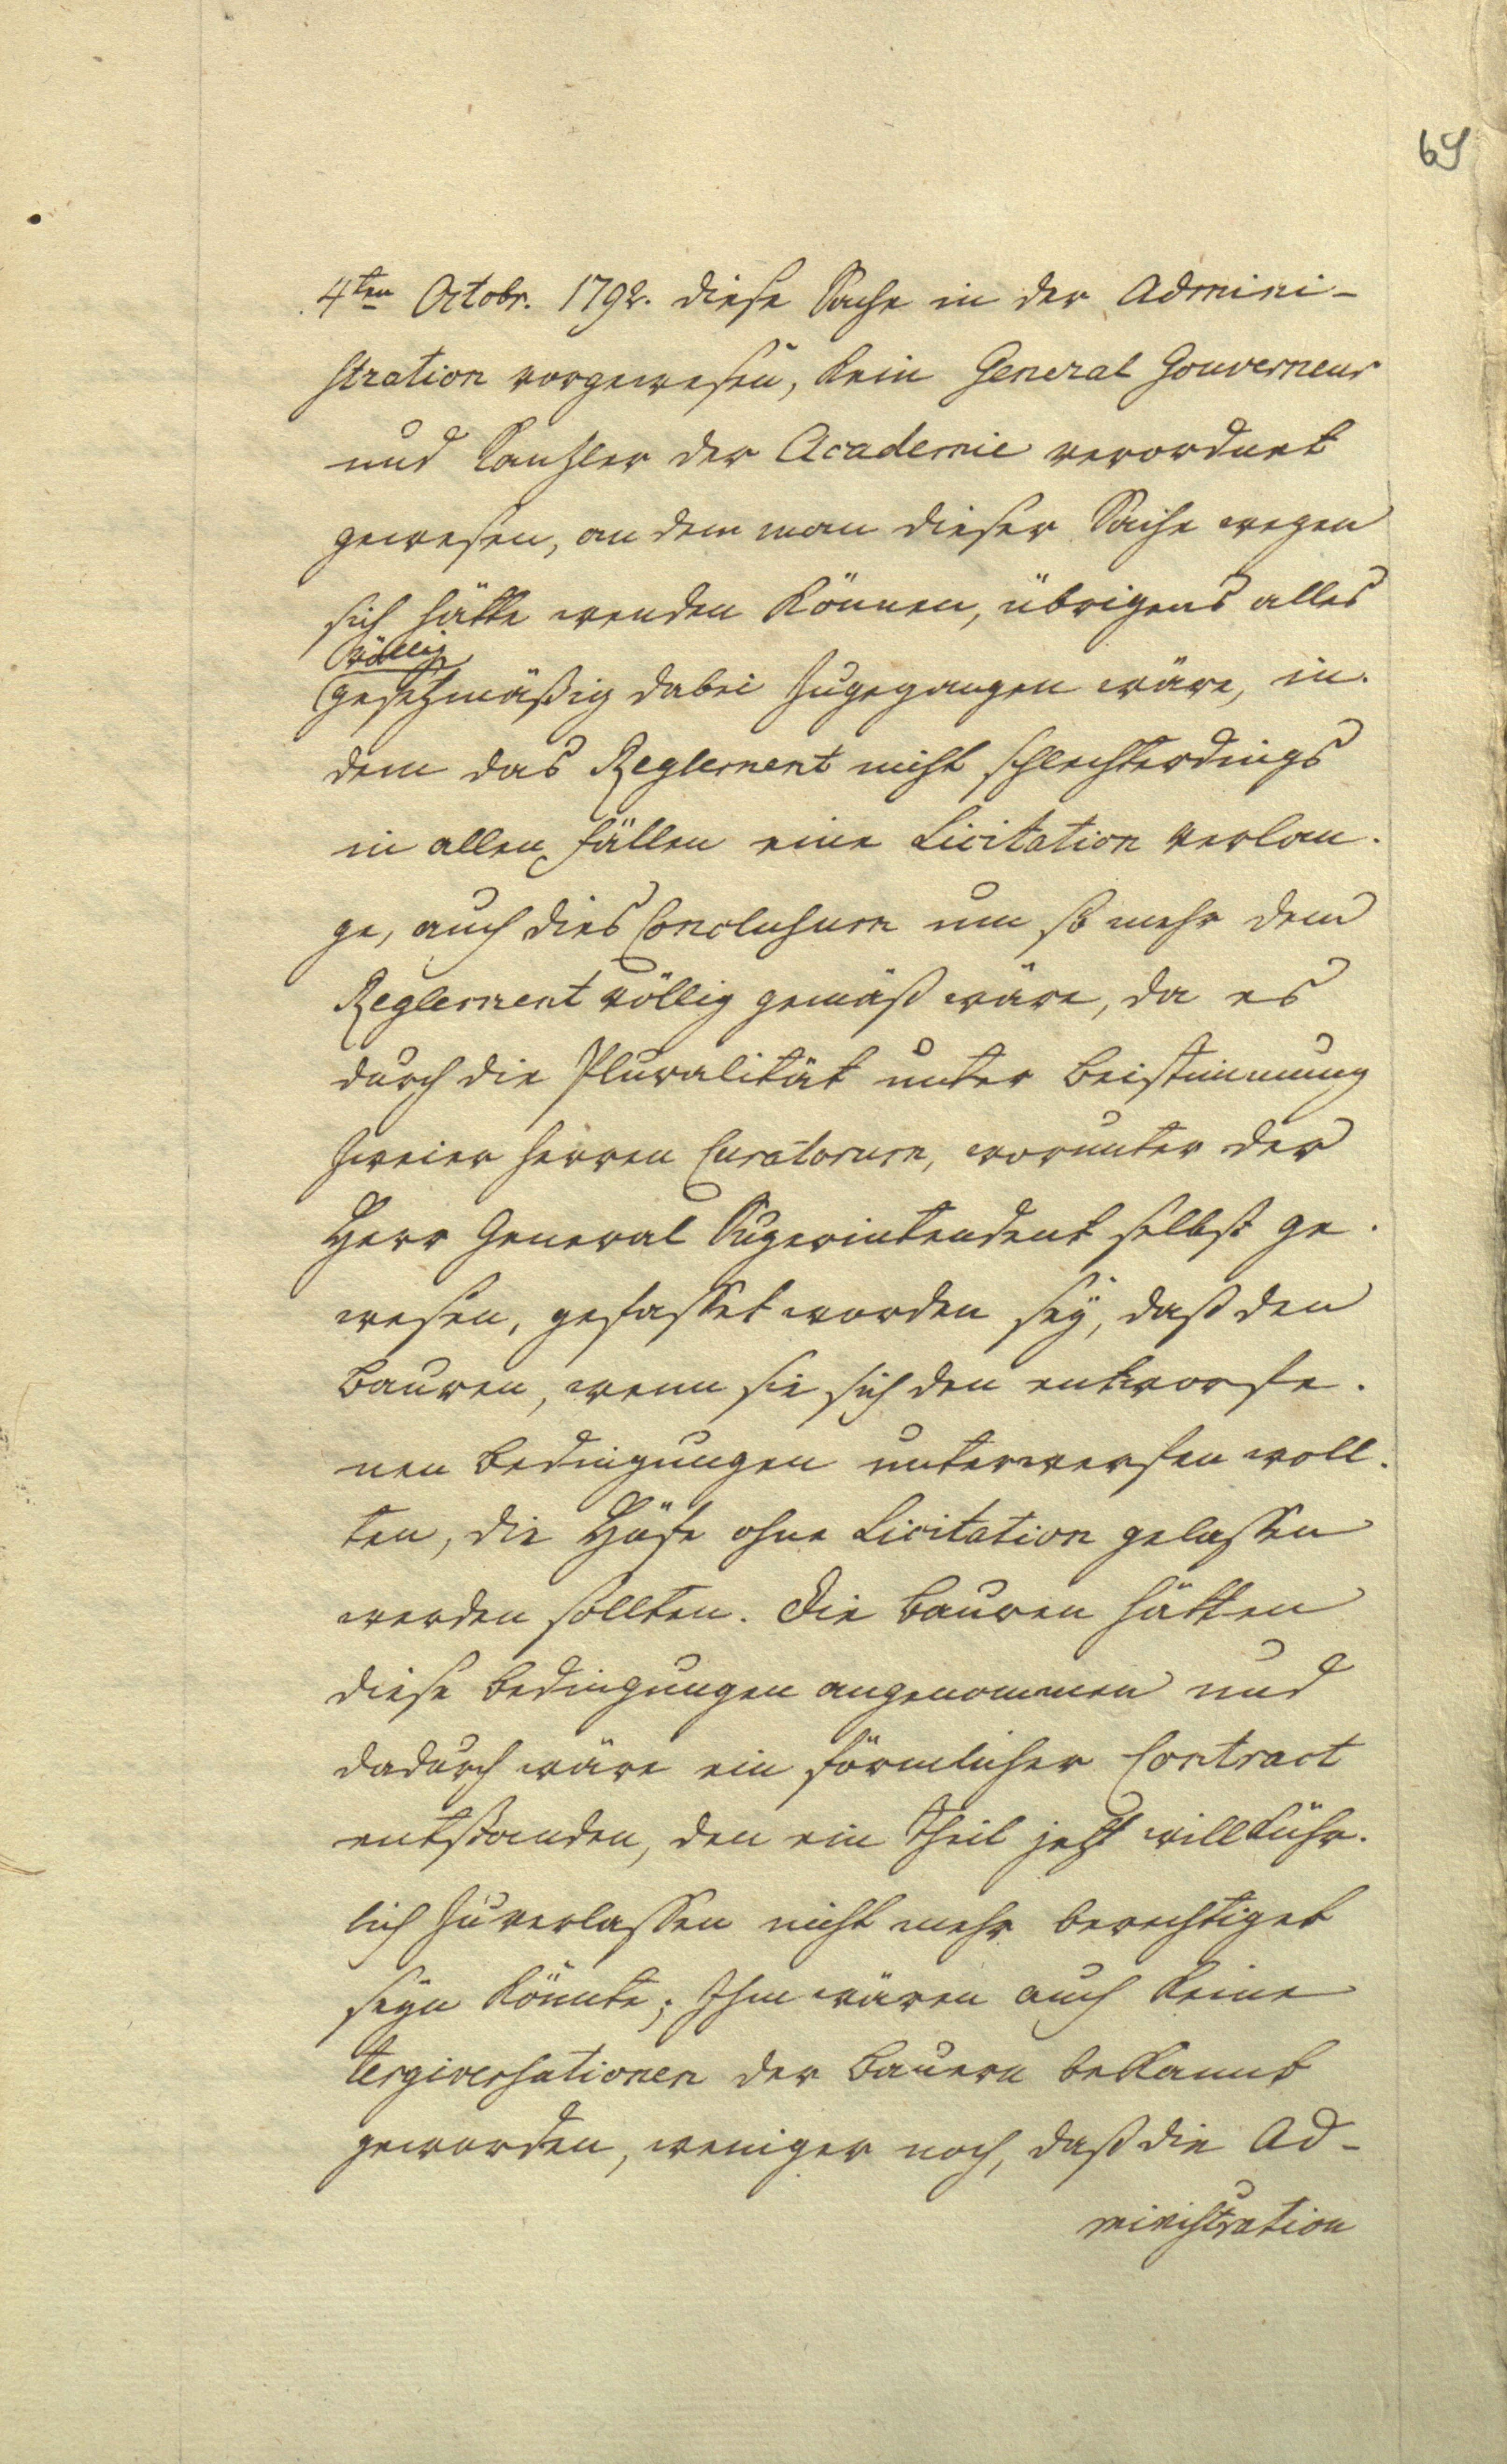4 ten Octobr. 1792. diese Sache in der Admini¬
stration vorgewesen, kein General Gouverneur
und Kanzler der Academie verordnet
gewesen, an dem man dieser Sache wegen
sich hätte wenden können, übrigens alles
völlig gesetzmäßig dabei zugegangen wäre, in¬
dem das Reglement nicht schlechterdings
in allen Fällen eine Licitation verlan¬
ge, auch dies Conclusum um so mehr dem
Reglement völlig gemäß wäre, da es
durch die Pluralität unter Beistimmung
seiner Herren Curatorum, worunter der
Herr General Superintendent selbst ge¬
wesen, gefasset worden seÿ, daß den
Bauren, wenn sie sich den entworfe¬
nen Bedingungen unterwerfen woll¬
ten, die Höfe ohne Licitation gelassen
werden sollten. Die Bauren hätten
diese Bedingungen angenommen und
dadurch wäre ein förmlicher Contract
entstanden, den ein Theil jetzt willkühr¬
lich zu verlassen nicht mehr berechtiget
seÿn könnte; Ihm wären auch keine
tergiversationen der Bauern bekannt
geworden, weniger noch, daß die Ad¬
ministration